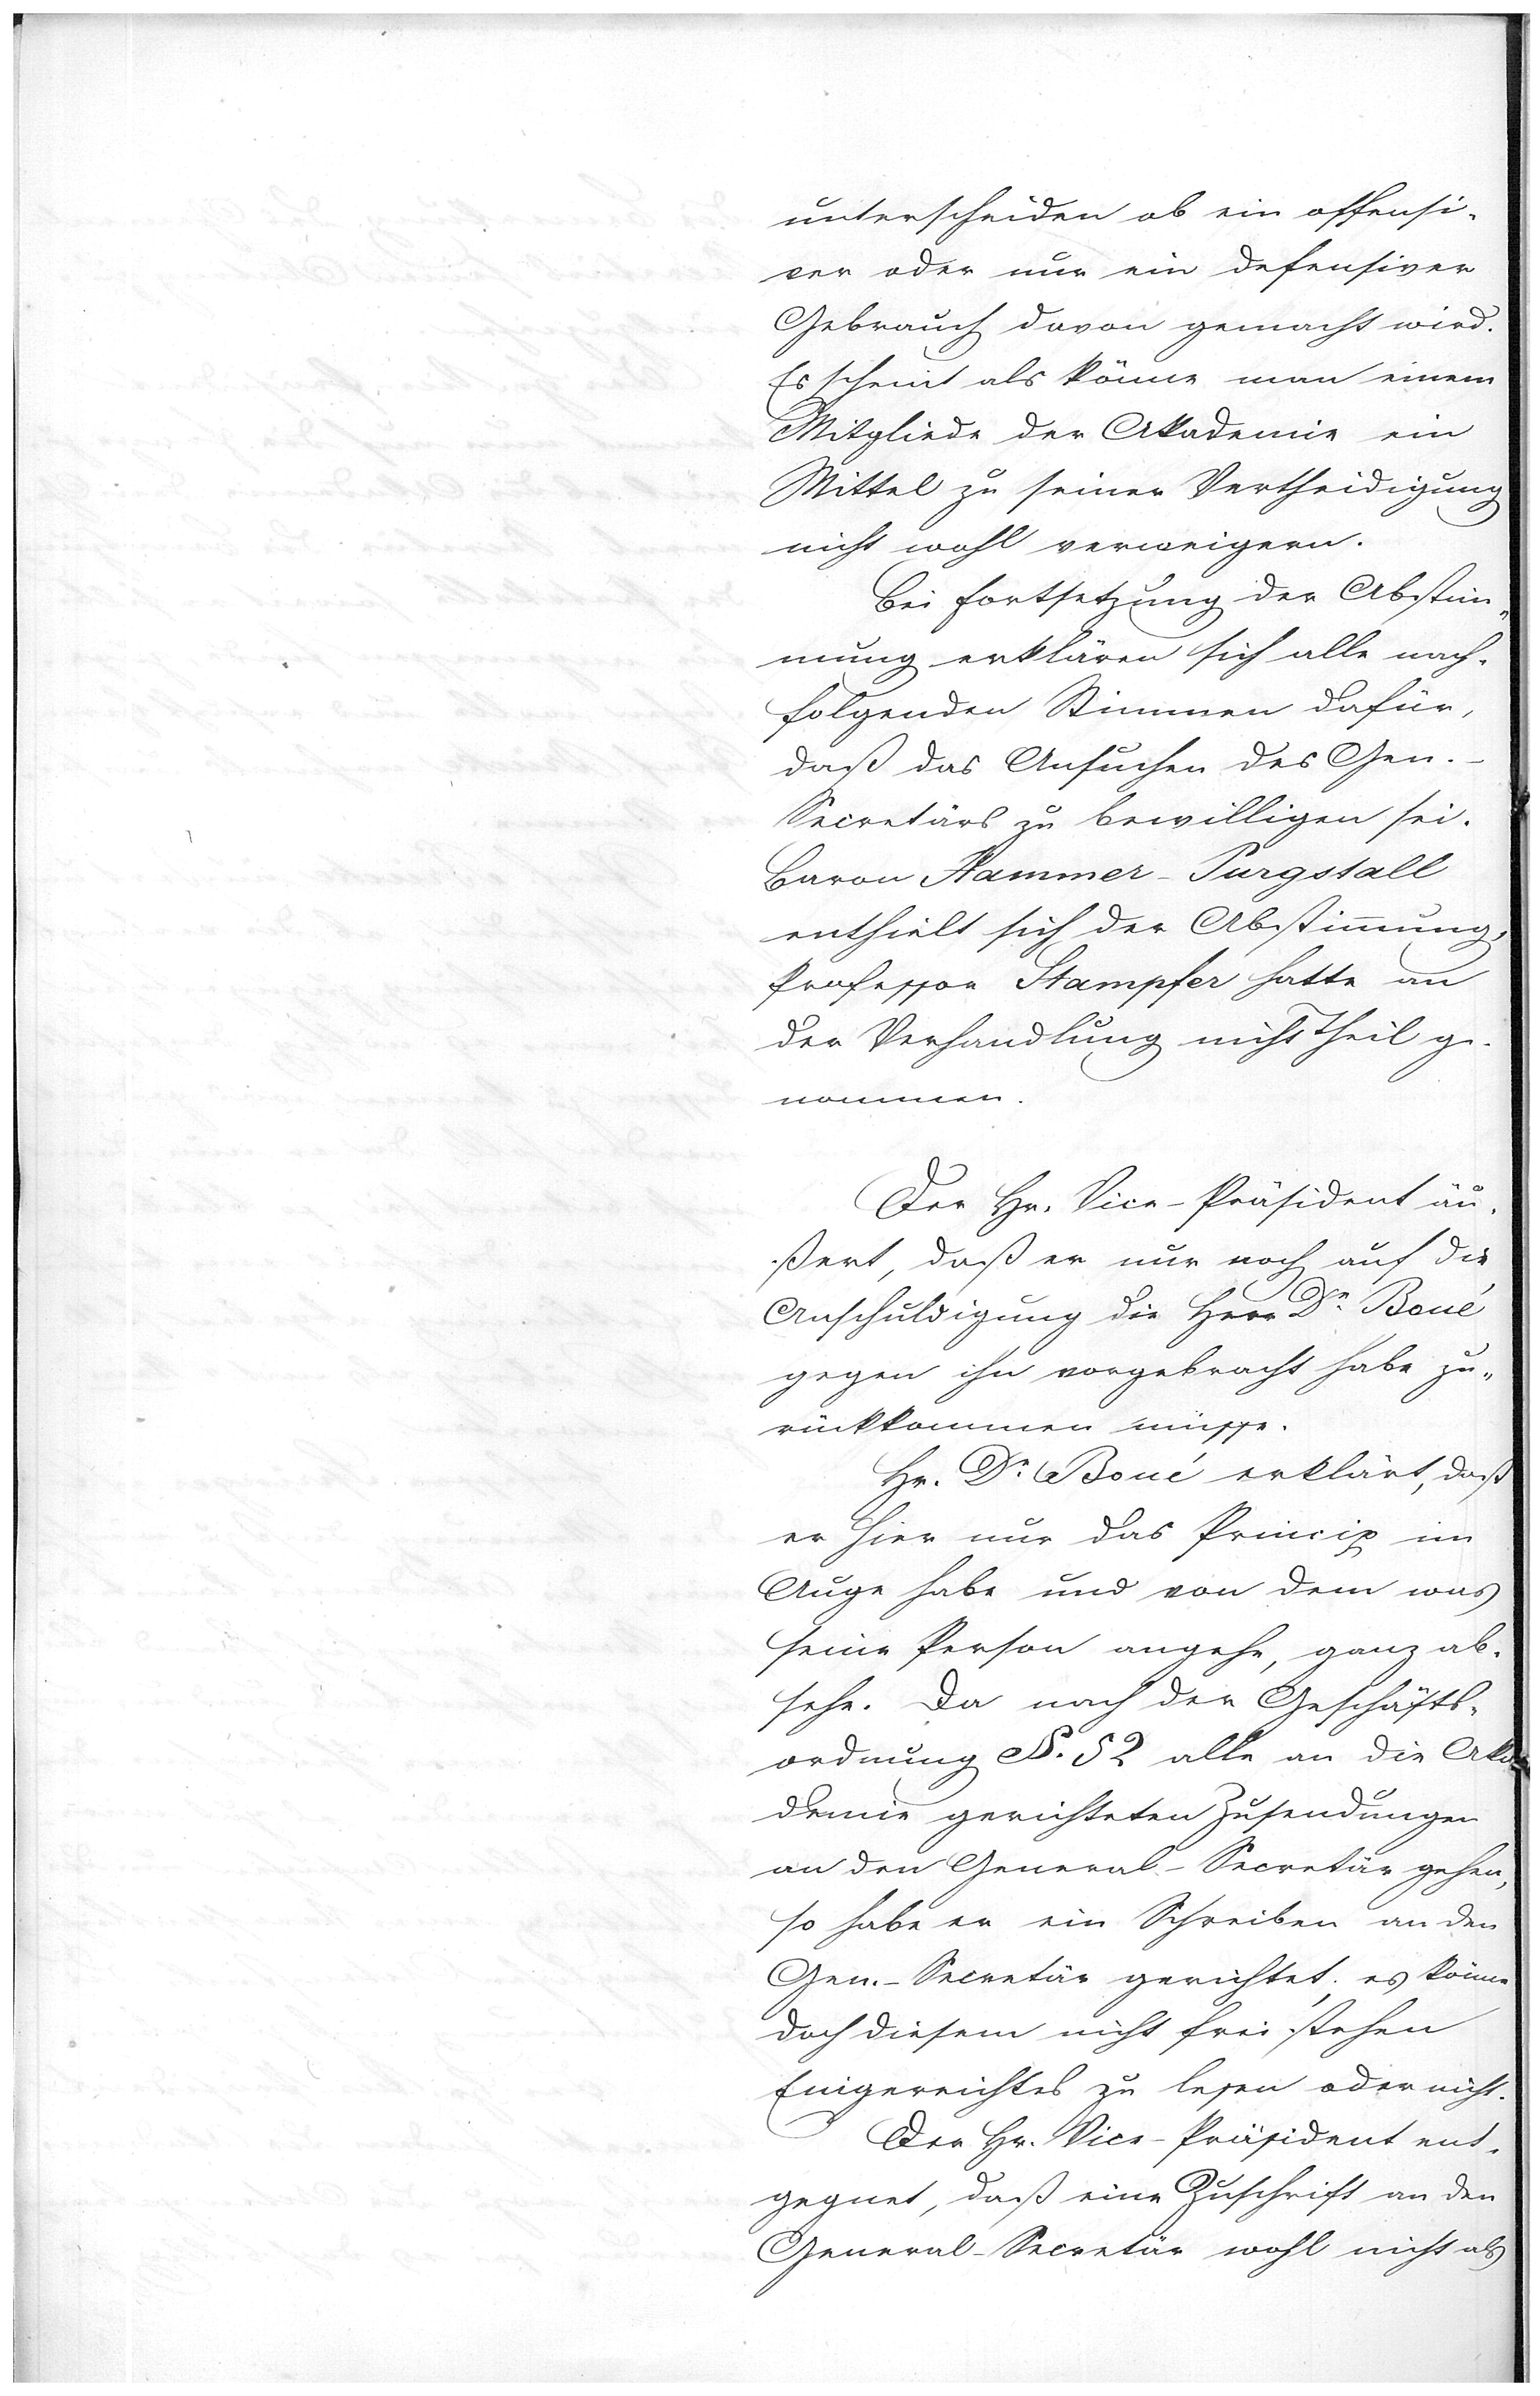unterscheiden ob ein offensi-
ver oder nur ein defensiver
Gebrauch davon gemacht wird.
Es scheint als könne man einem
Mitgliede der Akademie ein
Mittel zu seiner Vertheidigung
nicht wohl verweigern.
Bei Fortsetzung der Abstim-
ung erklären sich alle nach-
folgenden Stimmen dafür,
daß das Ansuchen des Gen.-
Secretärs zu bewilligen sei.
Baron Hammer-Purgstall
enthielt sich der Abstimmung,
Professor Stampfer hatte an
der Verhandlung mich Theil ge-
nommen.
Der Hr. Vice-Präsident äu-
ßert, daß er nur noch auf die
Anschuldigung die Herr Dr Boué
gegen ihn vorgebracht habe zu-
rückkommen müsse.
Hr. Dr Boué erklärt, daß
er hier nur das Princip im
Auge habe und von dem was
seine Person angehe, ganz ab-
sehe. Da nach der Geschäfts-
ordnung §. 52 als in die Aka-
demie gerichteten Zusendungen
an den General-Secretär gehen,
so habe er ein Schreiben an den
Gen.-Secretär gerichtet; es könne
doch diesem nicht freistehen
Eingereichtes zu lesen oder nicht.
Der Hr. Vice-Präsident ent-
gegnet, daß eine Zuschrift an den
General-Secretär wohl nicht als